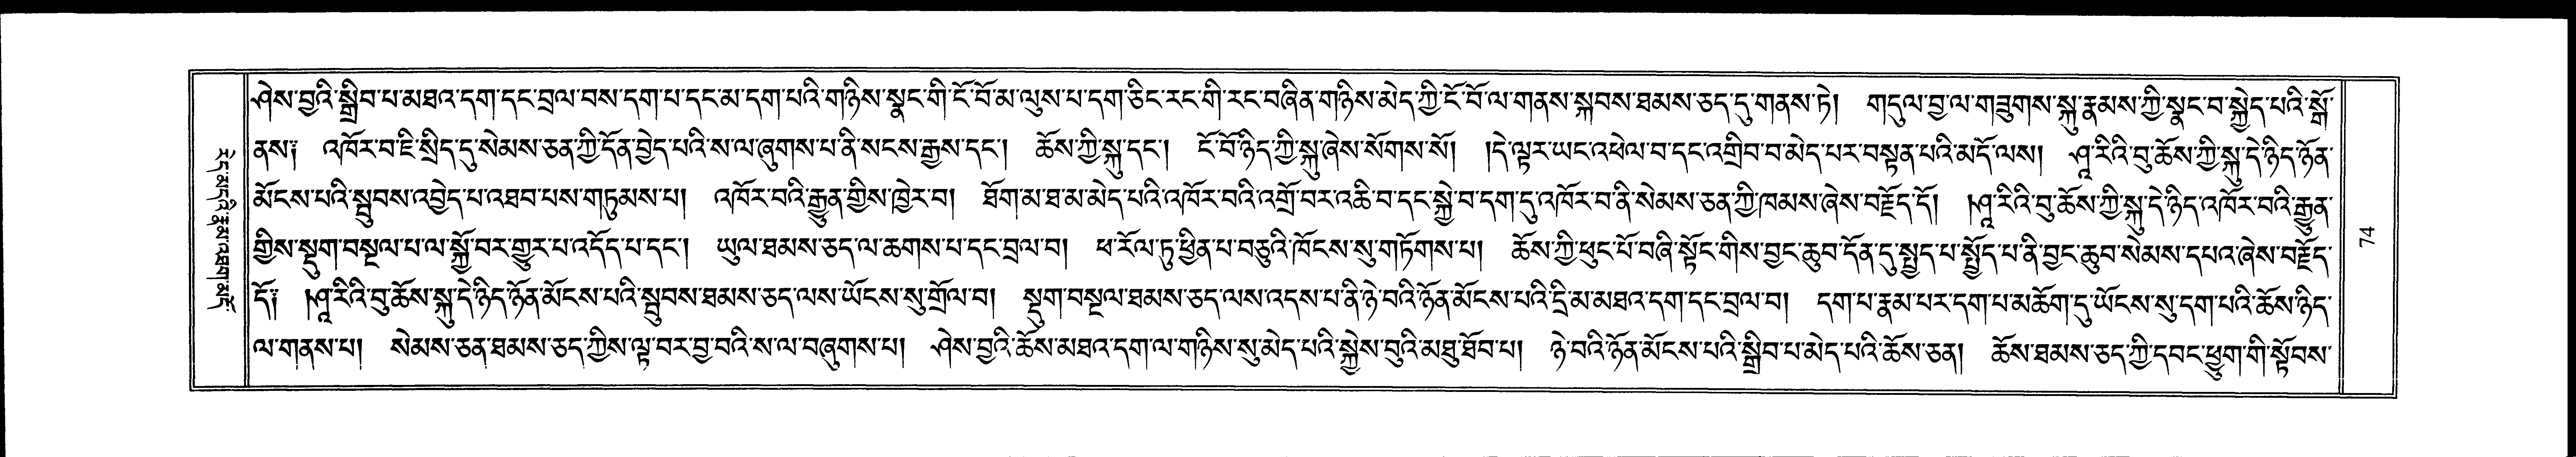ཤེས་བྱའི་སྒྲིབ་པ་མཐའ་དག་དང་བྲལ་བས་དག་པ་དང་མ་དག་པའི་གཉིས་སྣང་གི་ངོ་བོ་མ་ལུས་པ་དག་ཅིང་རང་གི་རང་བཞིན་གཉིས་མེད་ཀྱི་ངོ་བོ་ལ་གནས་སྐབས་ཐམས་ཅད་དུ་གནས་ཏེ། གདུལ་བྱ་ལ་གཟུགས་སྐུ་རྣམས་ཀྱི་སྣང་བ་སྐྱེད་པའི་སྒོ་
ནས། འཁོར་བ་ཇི་སྲིད་དུ་སེམས་ཅན་ཀྱི་དོན་བྱེད་པའི་ས་ལ་ཞུགས་པ་ནི་སངས་རྒྱས་དང་། ཆོས་ཀྱི་སྐུ་དང་། ངོ་བོ་ཉིད་ཀྱི་སྐུ་ཞེས་སོགས་སོ། །དེ་ལྟར་ཡང་འཕེལ་བ་དང་འགྲིབ་པ་མེད་པར་བསྟན་པའི་མདོ་ལས། ཤཱ་རིའི་བུ་ཆོས་ཀྱི་སྐུ་དེ་ཉིད་ཉོན་
མོངས་པའི་སྦུབས་འབྱེད་པ་འཐབ་པས་གཏུམས་པ། འཁོར་བའི་རྒྱུན་གྱིས་ཁྱེར་བ། ཐོག་མ་ཐ་མ་མེད་པའི་འཁོར་བའི་འགྲོ་བར་འཆི་བ་དང་སྐྱེ་བ་དག་ཏུ་འཁོར་བ་ནི་སེམས་ཅན་གྱི་ཁམས་ཞེས་བརྗོད་དོ། །ཤཱ་རིའི་བུ་ཆོས་ཀྱི་སྐུ་དེ་ཉིད་འཁོར་བའི་རྒྱུན་
གྱིས་སྡུག་བསྔལ་པ་ལ་སྐྱོ་བར་གྱུར་པ་འདོད་པ་དང་། ཡུལ་ཐམས་ཅད་ལ་ཆགས་པ་དང་བྲལ་བ། ཕ་རོལ་ཏུ་ཕྱིན་པ་བཅུའི་ཁོངས་སུ་གཏོགས་པ། ཆོས་ཀྱི་ཕུང་པོ་བཞི་སྟོང་གིས་བྱང་ཆུབ་དོན་དུ་སྤྱད་པ་སྤྱོད་པ་ནི་བྱང་ཆུབ་སེམས་དཔའ་ཞེས་བརྗོད་
དོ། །ཤཱ་རིའི་བུ་ཆོས་སྐུ་དེ་ཉིད་ཉོན་མོངས་པའི་སྦུབས་ཐམས་ཅད་ལས་ཡོངས་སུ་གྲོལ་བ། སྡུག་བསྔལ་ཐམས་ཅད་ལས་འདས་པ་ནི་ཉེ་བའི་ཉོན་མོངས་པའི་དྲི་མ་མཐའ་དག་དང་བྲལ་བ། དག་པ་རྣམས་པར་དག་པ་མཆོག་ཏུ་ཡོངས་སུ་དག་པའི་ཆོས་ཉིད་
ལ་གནས་པ། སེམས་ཅན་ཐམས་ཅད་ཀྱིས་ལྟ་བར་བྱ་བའི་ས་ལ་བཞུགས་པ། ཤེས་བྱའི་ཆོས་མཐའ་དག་ལ་གཉིས་སུ་མེད་པའི་སྐྱེས་བུའི་མཐུ་ཐོབ་པ། ཉེ་བའི་ཉོན་མོངས་པའི་སྒྲིབ་པ་མེད་པའི་ཆོས་ཅན། ཆོས་ཐམས་ཅད་ཀྱི་དབང་ཕྱུག་གི་སྟོབས་